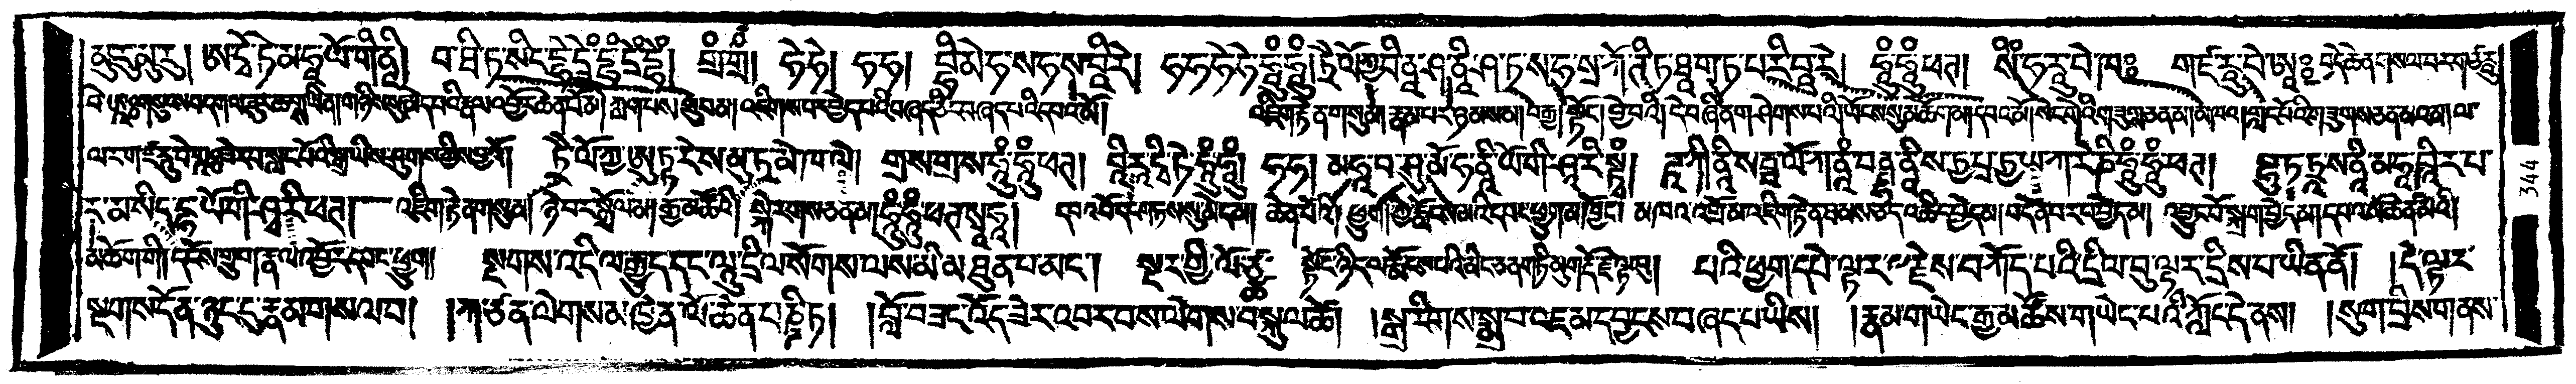མུ་རུ་མུ་རུ། ཨ་དྭེ་ཏེ་མཧཱ་ཡོ་གི་ནཱི། བ་ཐི་ཏ་སིད་དྷེ་དྲེཾ་དྷཾ་དྲེཾ་དྷེཾ། གྲཾ་གྲཾ། ཧེ་ཧེ། ཧ་ཧ། བྷི་མེ་ཧ་ས་ཧ་ས་བཱི་རེ། ཧ་ཧ་ཧེ་ཧེ་ཧཱུཾ་ཧཱུཾ། ཏྲཻ་ལོཀྱ་བི་ནཱ་ཤ་ནཱི་ཤ་ཏྲ་ས་ཧ་སྲ་ཀོ་ཊི་ཏ་ཐཱ་ག་ཏ་པ་རི་བཱ་རེ། ཧཱུཾ་ཧཱུཾ་ཕཊ། སིཾ་ཧ་རཱུ་པེ་ཁཿ ག་ཛ་རཱུ་བེ་ཨཱཿ བདེ་ཆེན་གསལ་བར་གཙར་བུ་
པེ་ཨཱཿ གདུངས་བདག་ལ་ཟུར་ཆགས་ཡིན། གཉིས་སུ་མེད་པའི་རྣལ་འབྱོར་ཆེན་པོ་མ། ཀླག་པས་ཐུབ་མ། འཇིགས་པར་བྱེད་པའི་བཞད་ཅིང་བཞད་པའི་དཔའ་མོ། འཇིག་རྟེན་གསུམ་རྣམ་པར་ཉམས་མ། བརྒྱ། སྟོང་། བྱེ་བའི། དེ་བཞིན་གཤེགས་པའི། ཡོངས་སུ་མཆོག་མ། དཔའ་མོ། སེང་གེའི་གཟུགས་ཅན་མ། མཁའ། གླང་པོའི་གཟུགས་ཅན་མ་འགལ་
ལར་ག་ཛརཱུ་བེ་གཱཿཁེར་བ་གླང་པོའི་སྒྲ་ཡིས་ཤུགས་ཀྱིས་བྱའོ། ཏྲཻ་ལོཀྱ་ཨུཏྟ་རེ་ས་མུ་ཏྲ་མེ་ཁ་ལེ། གྲས་གྲས་ཧཱུཾ་ཧཱུཾ་ཕཊ། བཱི་རཱ་དྭི་ཏེ་ཧཱུཾ་ཧཱུཾ། ཧ་ཧ། མཧཱ་བ་ཤུ་མོ་ཧ་ནཱི་ཡོ་གི་ཤཱ་རི་སྟྭཾ། ཌཱ་ཀི་ནཱི་སརྦྦ་ལོ་ཀ་ནཱཾ་བནྡྷ་ནཱི་ས་ཏྱ་པྲ་ཏྱ་ཡ་ཀ་རེ་ཎི་ཧཱུཾ་ཧཱུཾ་ཕཊ། བྷུ་ཏ་ཏྲཱ་ས་ནཱི་མཧཱ་ཁཱི་ར་པ་
ར་མ་སིད་དྷ་ཡོ་གི་ཤྭ་རི་ཕཊ། འཇིག་རྟེན་གསུམ། ཉེ་བར་སྒྲོལ་མ། རྒྱ་མཚོའི། སྐེ་རགས་ཅན་མ། ཧཱུཾ་ཧཱུཾ་ཕཊ་སྭཱཧཱ། དཔའ་བོ་དང་གཏས་སུ་མེད་མ། ཆེན་པོའི། ཕྱུག་ཀྱི་རྨོངས་མའི་དབང་ཕྱུག་མ་ཁྱོད། མཁའ་འགྲོ་མ་འཇིག་རྟེན་ཐམས་ཅད་འཆིད་བྱེད་མ། བདེན་པ་རབ་བྱེད་མ། འབྱུང་པོ་སྐྲག་བྱེད་མ། དཔའ་མོ་ཆེན་མོའི།
མཆོག་གི། དངོས་གྲུབ། རྣལ་འབྱོར་དབང་ཕྱུག། སྔགས་འདི་ལ་རྒྱུད་དང་ལཱུ་དྲིལ་སོགས་ལས་མི་མཐུན་པ་མང་། སྔར་གྱི་ལོ་ཙྪ་སྟོང་ཉིད་ལ་རྨོངས་པའི་མིང་ཅན་གཏི་མུག་རྡོ་རྗེ་ལྟ་བུ། པའི་ཕྱག་དཔེ་ལྟར་༧་རྗེས་བཀོད་པའི་དྲིལ་བུ་ལྟར་དྲིས་པ་ཡིན་ནོ། །དེ་ལྟར་
སྔགས་དོན་ཉུང་ངུ་རྣམ་གསལ་བ། །ཀ་ཙན་ལེགས་མཁྱེན་པོ་ཆེན་པཎྜི་ཏ། །བློ་བཟང་འོད་ཟེར་འབར་བས་ལེགས་བསྐུལ་ཚེ། །སྒྲ་རིགས་སྨྲ་བ་འཇམ་དབྱངས་བཞད་པ་ཡིས། །རྣམ་གཡེང་རྒྱ་མཚོས་གཡེང་པའི་ཀློང་དེ་ནས། །སུག་བྲིས་གནས་